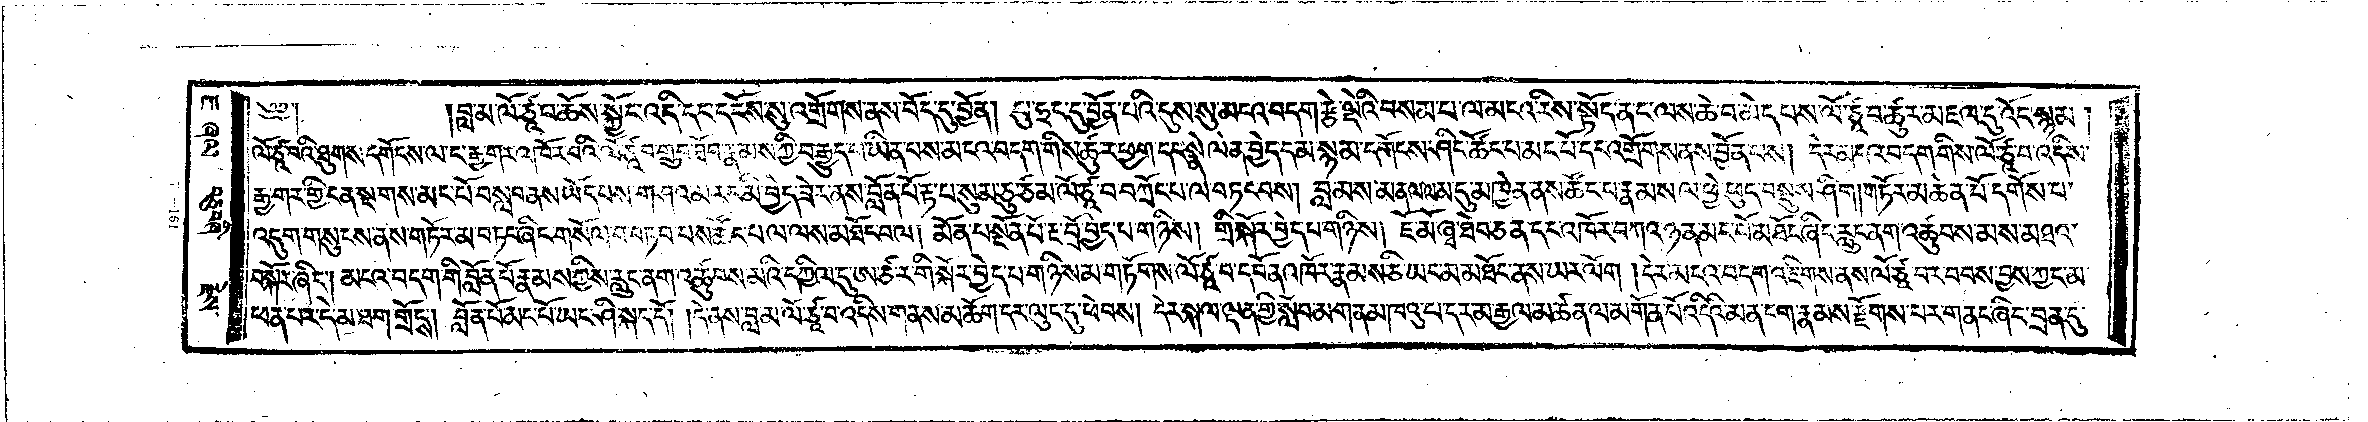༄༅། །བླ་མ་ལོ་ཙཱ་བ་ཆོས་སྐྱོང་འདི་དང་དངོས་སུ་འགྲོགས་ནས་བོད་དུ་བྱོན། པུ་ཧྲང་དུ་བྱོན་པའི་དུས་སུ་མངའ་བདག་རྩེ་ལྡེའི་བསམ་པ་ལ་མངའ་རིས་སྟོད་ན་ང་ལས་ཆེ་བ་མེད་པས་ལོ་ཙཱ་བ་ཚུར་མཇལ་དུ་འོང་སྙམ།
ལོ་ཙཱ་བའི་ཐུགས་དགོངས་ལ་ང་རྒྱ་གར་འཁོར་བའི་ལོ་ཙཱ་པ་གྲུབ་ཐོབ་རྣམས་ཀྱི་བརྒྱུད་པ་ཡིན་པས་མངའ་བདག་གིས་ཚུར་ཕྱག་དང་སྣེ་ལེན་བྱེད་དམ་སྙམ་དགོངས་ཤིང་ཚོང་པ་མང་པོ་དང་འགྲོགས་ནས་བྱོན་པས། དེར་མངའ་བདག་གིས་ལོ་ཙཱ་བ་འདིས་
རྒྱ་གར་གྱི་ངན་སྔགས་མང་པོ་བསླབ་ནས་ཡོད་པས་གཤའ་མ་རང་མི་བྱེད་ཟེར་ནས་བློན་པོ་རྟ་བ་སུམ་ཅུ་ཙམ་ལོ་ཙཱ་བ་བཀྲོང་བ་ལ་བཏང་བས། བླ་མས་མནལ་ལམ་དུ་མཁྱེན་ནས་ཚོང་བ་རྣམས་ལ་ཕྱེ་ཕུད་བསྡུས་ཤིག །གཏོར་མ་ཆེན་པོ་དགོས་པ་
འདུག་གསུངས་ནས་གཏོར་མ་བཏང་ཞིང་གསོལ་བ་བཏབ་པས་ཚོང་པ་ལ་ལས་མཐོང་པ་ལ། མོན་པ་སྔོན་པོ་རྔ་བྲོ་བྱེད་པ་གཉིས། གྲི་སྐོར་བྱེད་པ་གཉིས། ཇོ་མོ་ཞྭ་ཐེབ་ཅན་དང་འཁོར་བཀའ་ཉན་མང་པོ་མཐོང་ཞིང་རླུང་ནག་འཚུབས་མས་མཐའ་
བསྐོར་ཞིང་། མངའ་བདག་གི་བློན་པོ་རྣམས་ཀྱིས་རླུང་ནག་འཚུབས་མའི་དཀྱིལ་དུ་ཨ་ཙ་ར་གྲི་སྐོར་བྱེད་པ་གཉིས་མ་གཏོགས་ལོ་ཙཱ་བ་དཔོན་འཁོར་རྣམས་ཅི་ཡང་མ་མཐོང་ནས་ཡར་ལོག །དེར་མངའ་བདག་འཇིགས་ནས་ལོ་ཙཱ་བར་བབས་བྱས་ཀྱང་མ་
ཕན་པར་དེ་མ་ཐག་གྲོངས། བློན་པོ་མང་པོ་ཡང་ཤི་སྐད་དོ། །དེ་ནས་བླ་མ་ལོ་ཙཱ་བ་འདིས་གནས་མཆོག་དར་ལུང་དུ་ཕེབས། དེར་སྐལ་ལྡན་གྱི་སློབ་མ་གནམ་མ་ཁཱུ་པ་དར་མ་རྒྱལ་མཚན་ལ་མགོན་པོ་འདིའི་མན་ངག་རྣམས་རྫོགས་པར་གནང་ཞིང་བྲན་དུ་